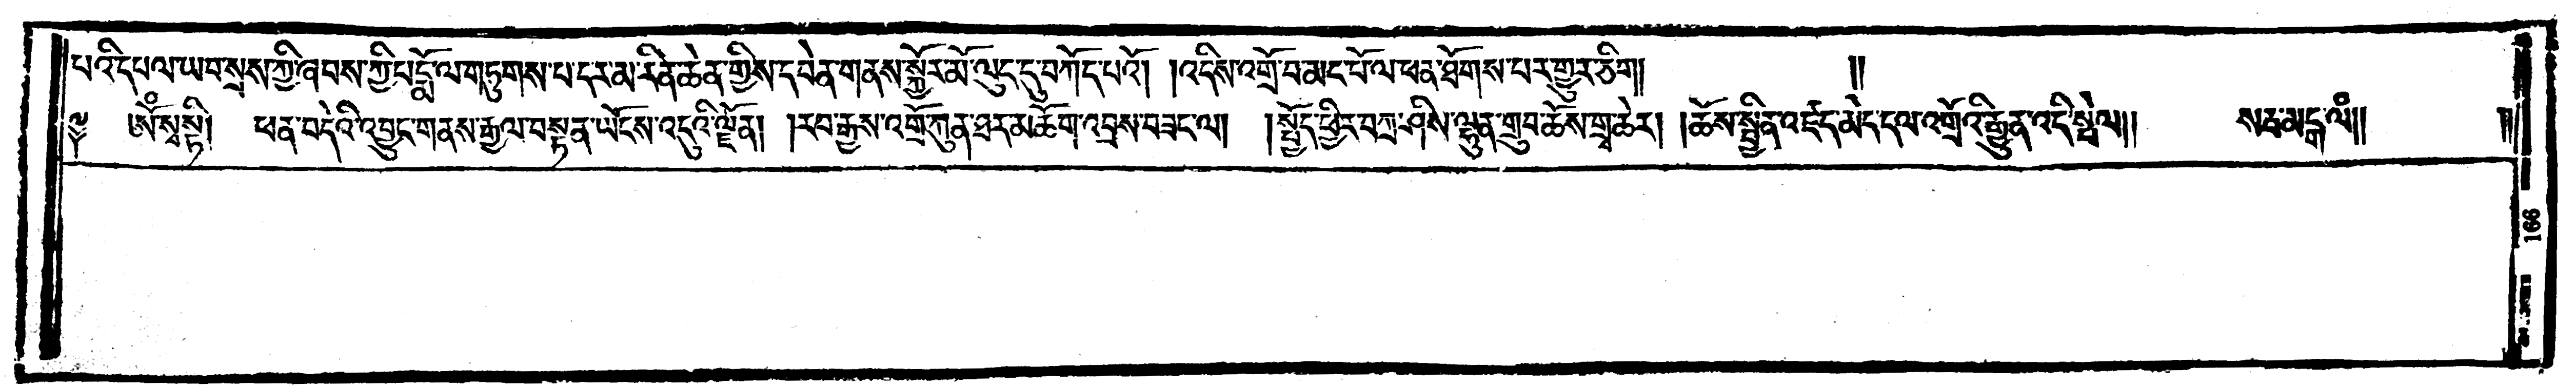པའི་དཔལ་ཡབ་སྲས་ཀྱི་ཞབས་ཀྱི་པདམོ་ལ་གཏུགས་པ་དར་མ་རིན་ཆེན་གྱིས་དབེན་གནས་སྐྱོར་མོ་ལུང་དུ་བཀོད་པའོ། །འདིས་འགྲོ་བ་མང་པོ་ལ་ཕན་ཐོགས་པར་གྱུར་ཅིག། །།
~་ཨོཾ་སྭསྟི། ཕན་བདེའི་འབྱུང་གནས་རྒྱལ་བསྟན་ཡོངས་འདུའི་ལྗོན། །རབ་རྒྱས་འགྲོ་ཀུན་ཐར་མཆོག་འབྲས་བཟང་ལ། །སྤྱོད་ཕྱིར་བཀྲ་ཤིས་ལྷུན་གྲུབ་ཆོས་གྲྭ་ཆེར། །ཆོས་སྦྱིན་འཛད་མེད་དལ་འགྲོའི་རྒྱུན་འདི་སྤེལ།། སརྦ་མངྒ་ལཾ།། །།